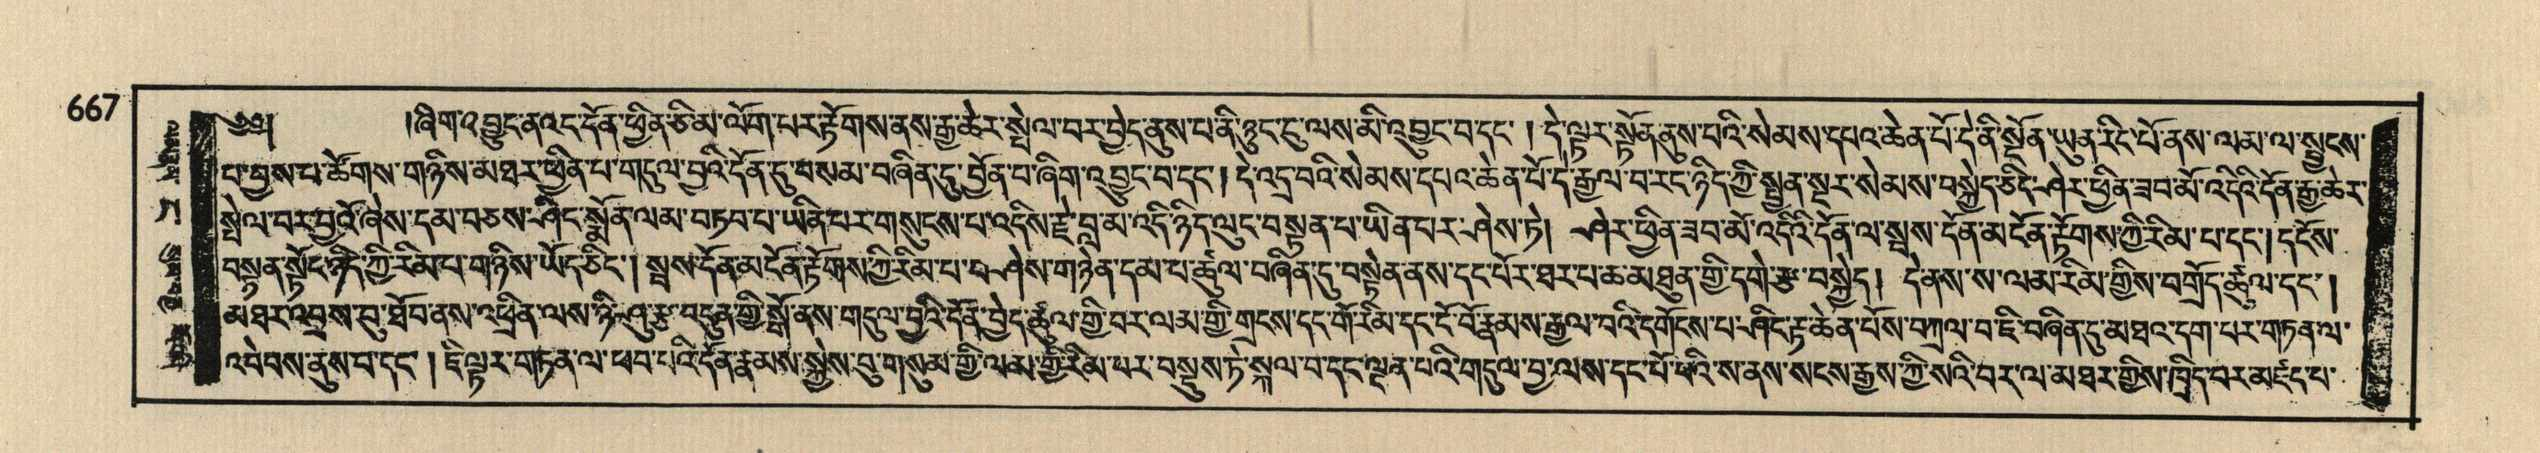༄༅། །ཞིག་འབྱུང་ནའང་དོན་ཕྱིན་ཅི་མ་ལོག་པར་རྟོགས་ནས་རྒྱ་ཆེར་སྤེལ་བར་བྱེད་ནུས་པ་ནི་ཉུང་ངུ་ལས་མི་འབྱུང་བ་དང་། དེ་ལྟར་སྟོན་ནུས་པའི་སེམས་དཔའ་ཆེན་པོ་དེ་ནི་སྔོན་ཡུན་རིང་པོ་ནས་ལམ་ལ་སྦྱངས་
པ་བྱས་པ་ཚོགས་གཉིས་མཐར་ཕྱིན་པ་གདུལ་བྱའི་དོན་དུ་བསམ་བཞིན་དུ་བྱོན་པ་ཞིག་འབྱུང་བ་དང་། དེ་འདྲ་བའི་སེམས་དཔའ་ཆེན་པོ་དེ་རྒྱལ་བ་རང་ཉིད་ཀྱི་སྤྱན་སྔར་སེམས་བསྐྱེད་ཅིང་ཤེར་ཕྱིན་ཟབ་མོ་འདིའི་དོན་རྒྱ་ཆེར་
སྤེལ་བར་བྱའོ་ཞེས་དམ་བཅས་ཤིང་སྨོན་ལམ་བཏབ་པ་ཡིན་པར་གསུངས་པ་འདིས་རྗེ་བླ་མ་འདི་ཉིད་ལུང་བསྟན་པ་ཡིན་པར་ཤེས་ཏེ། ཤེར་ཕྱིན་ཟབ་མོ་འདིའི་དོན་ལ་སྦས་དོན་མངོན་རྟོགས་ཀྱི་རིམ་པ་དང་། དངོས་
བསྟན་སྟོང་ཉིད་ཀྱི་རིམ་པ་གཉིས་ཡོད་ཅིང་། སྦས་དོན་མངོན་རྟོགས་ཀྱི་རིམ་པ་བཤེས་གཉེན་དམ་པ་ཚུལ་བཞིན་དུ་བསྟེན་ནས་དང་པོར་ཐར་པ་ཆ་མཐུན་གྱི་དགེ་རྩ་བསྐྱེད། དེ་ནས་ས་ལམ་རིམ་གྱིས་བགྲོད་ཚུལ་དང་།
མཐར་འབྲས་བུ་ཐོབ་ནས་འཕྲིན་ལས་ཉི་ཤུ་རྩ་བདུན་གྱི་སྒོ་ནས་གདུལ་བྱའི་དོན་བྱེད་ཚུལ་གྱི་བར་ལམ་གྱི་གྲངས་དང་གོ་རིམ་དང་ངོ་བོ་རྣམས་རྒྱལ་བའི་དགོངས་པ་ཤིང་རྟ་ཆེན་པོས་བཀྲལ་བ་ཇི་བཞིན་དུ་མཐའ་དག་པར་གཏན་ལ་
འབེབས་ནུས་བ་དང་། ཇི་ལྟར་གཏན་ལ་ཕབ་པའི་དོན་རྣམས་སྐྱེས་བུ་གསུམ་གྱི་ལམ་གྱི་རིམ་པར་བསྡུས་ཏེ་སྐལ་བ་དང་ལྡན་པའི་གདུལ་བྱ་ལས་དང་པོ་པའི་ས་ནས་སངས་རྒྱས་ཀྱི་སའི་བར་ལ་མཐར་གྱིས་ཁྲིད་བར་མཛད་པ་